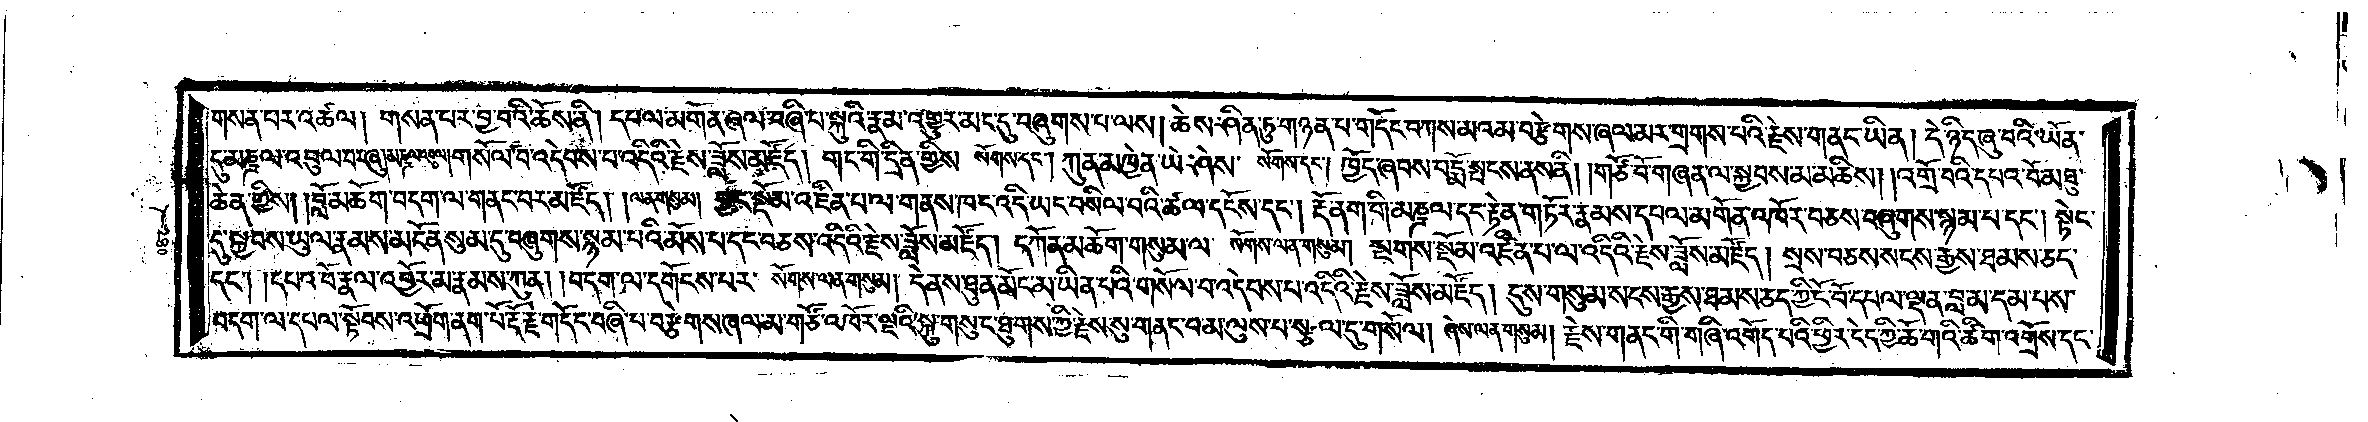གསན་བར་འཚལ། གསན་པར་བྱ་བའི་ཆོས་ནི། དཔལ་མགོན་ཞལ་བཞི་པ་སྐུའི་རྣམ་འགྱུར་མང་དུ་བཞུགས་པ་ལས། ཆེས་ཤིང་ཏུ་གཉན་པ་གདོང་བཀས་མའམ། བརྩེགས་ཞལ་མར་གྲོགས་པའི་རྗེས་གནང་ཡིན། དེ་ཉིད་ཞི་བའི་ཡོན་
དུ་མཎྜལ་འབུལ་བར་ཞུ། མཎྜལ་འབུལ།  གསོལ་བ་འདེབས་བ་འདིའི་རྗེས་བློས་མཛོད། གང་གི་དྲིན་གྱིས། སོགས་དང་།  ཀུན་མཁྱེན་ཡེ་ཤེས། སོགས་དང་།  ཁྱོད་ཞབས་པདམོ་སྤངས་ནས་ནི། །གཙོ་བོ་གཞན་ལ་སྐྱབས་མ་མཆིས། །འགྲོ་བའི་དཔའ་བོ་མཐུ་
ཆེན་གྱིས། །བློ་མཆོག་བདག་ལ་གནང་བར་མཛོད། །ལན་གསུམ།  བྱང་སྡོམ་འཛིན་པ་ལ་གནས་ཁང་འདི་ཡང་བསིལ་བའི་ཚལ་དངོས་དང་། རྡོ་ནག་གི་མཎྜལ་དང་རྟེན་གཏོར་རྣམས་དཔལ་མགོན་འཁོར་བཅས་བཞགས་སྙམ་པ་དང་། སྟེང་
དུ་སྐྱབས་ཡུལ་རྣམས་མངོན་སུམ་དུ་བཞུགས་སྙམ་པའི་མོས་པ་དང་བཅས་འདིའི་རྗེས་མཛོད། དཀོན་མཆོག་གསུམ་ལ་སོགས་ལན་གསུམ།  སྔགས་སྡོམ་འཛིན་པ་ལ་འདིའི་རྗེས་ཟློས་མཛོད། སྲས་བཅས་སངས་རྒྱས་ཐམས་ཅད་
དང༑ ༑དཔའ་བོ་རྣལ་འབྱོར་མ་རྣམས་ཀུན། །བདག་ལ་དགོངས་པར། སོགས་ལན་གསུམ།  དེ་ནས་ཐུན་མོང་མ་ཡིན་པའི་གསོལ་བ་འདེབས་པ་འདིའི་རྗེས་ཟློས་མཛོད། དུས་གསུམ་སངས་རྒྱས་ཐམས་ཅད་ཀྱི་ངོ་བོ་དཔལ་ལྡན་བླ་མ་དམ་པས་
བདག་ལ་དཔལ་སྟོབས་འཕྲོག་ནག་པོ་རྡོ་རྗེ་གདོང་བཞི་པ་བརྩེགས་ཞལ་མ་གཙོ་འཁོར་ལྔའི་སྐུ་གསུང་ཐུགས་ཀྱི་རྗེས་སུ་གནང་བ་མ་ལུས་པ་སྩལ་དུ་གསལ། ཞེས་ལན་གསུམ།  རྗེས་གནང་གི་གཞི་འགོད་པའི་ཕྱིར་ངེད་ཀྱི་ཆོ་གའི་ཚིག་འགྲོས་དང་